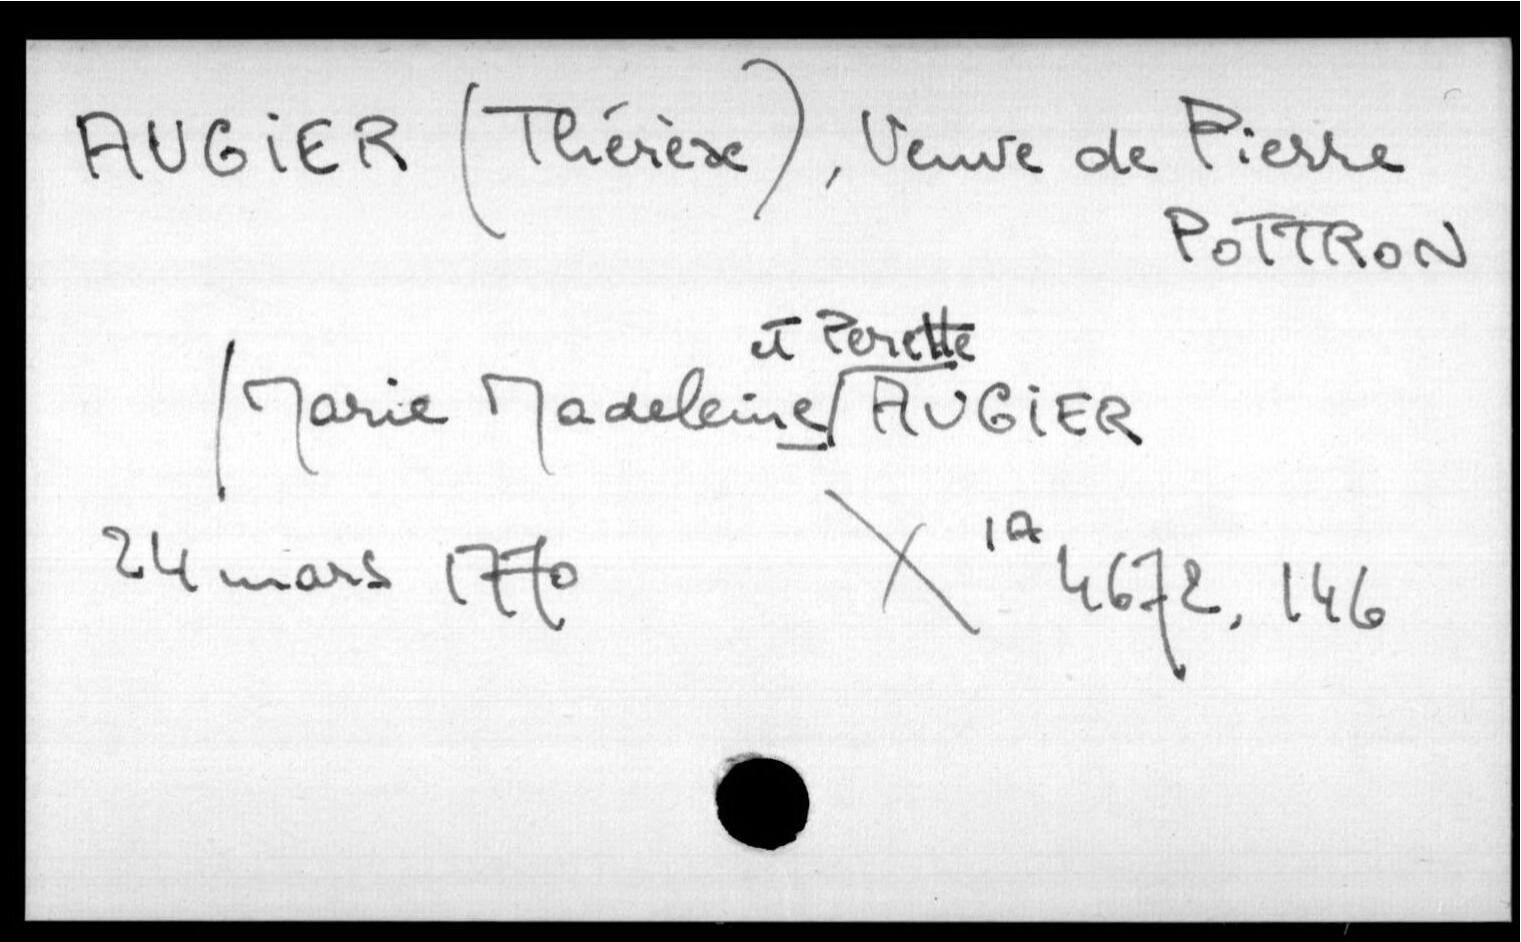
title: AUGIER (Thérèse), Veuve de Pierre POTTRON
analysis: Contre Marie Madeleine et Perette AUGIER
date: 24 mars 1770
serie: X1A
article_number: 4672
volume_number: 146
